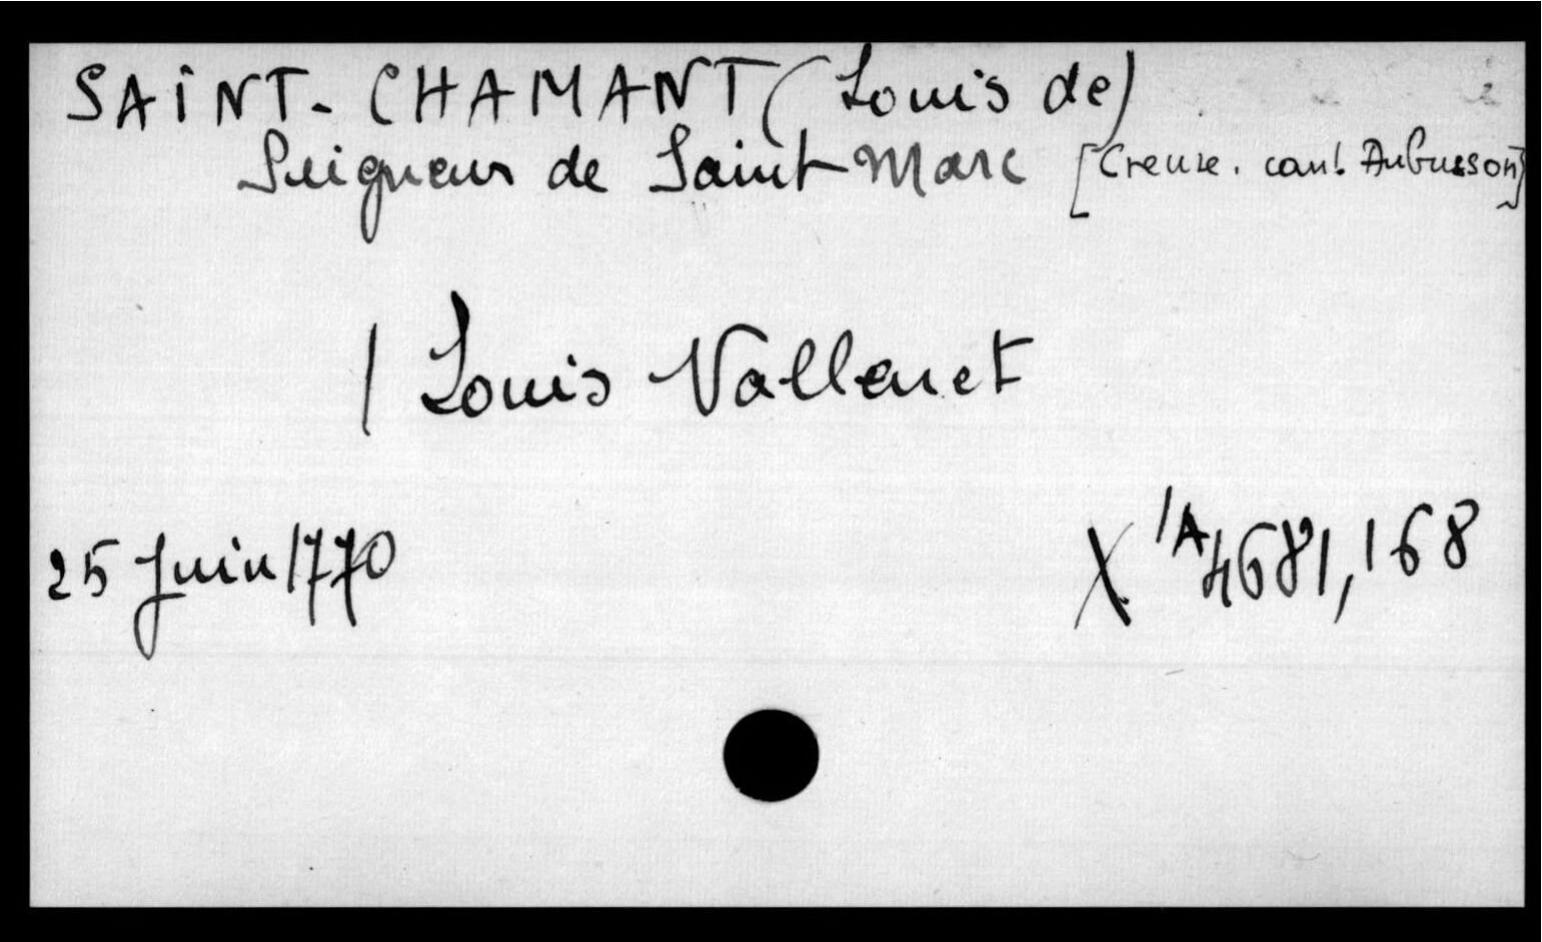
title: SAINT-CHAMANT (Louis de) Seigneur de Saint-Marc [Creuse, canton Aubusson]
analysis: Contre Louis Valleret
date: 25 juin 1770
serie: X1A
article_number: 4681
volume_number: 168
